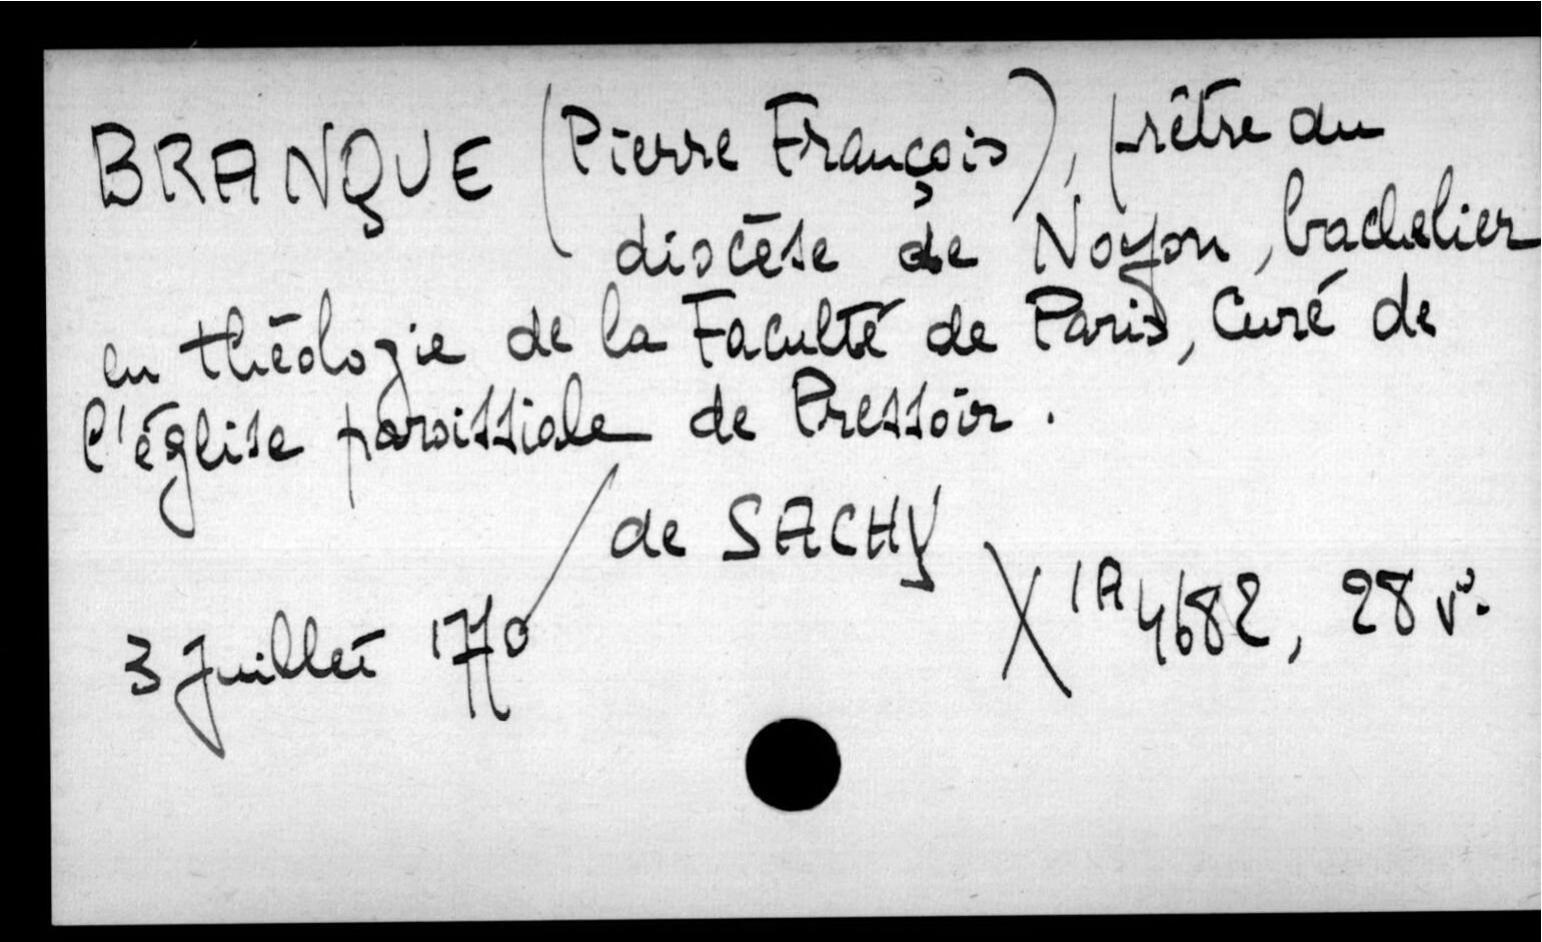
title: BRANQUE (Pierre François), prêtre du diocèse de Noyon, bachelier en théologie de la Faculté de Paris, curé de l'église paroissiole de Pressoir
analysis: Contre de SACHY
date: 3 juillet 1770
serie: X1A
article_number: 4682
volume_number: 28v
